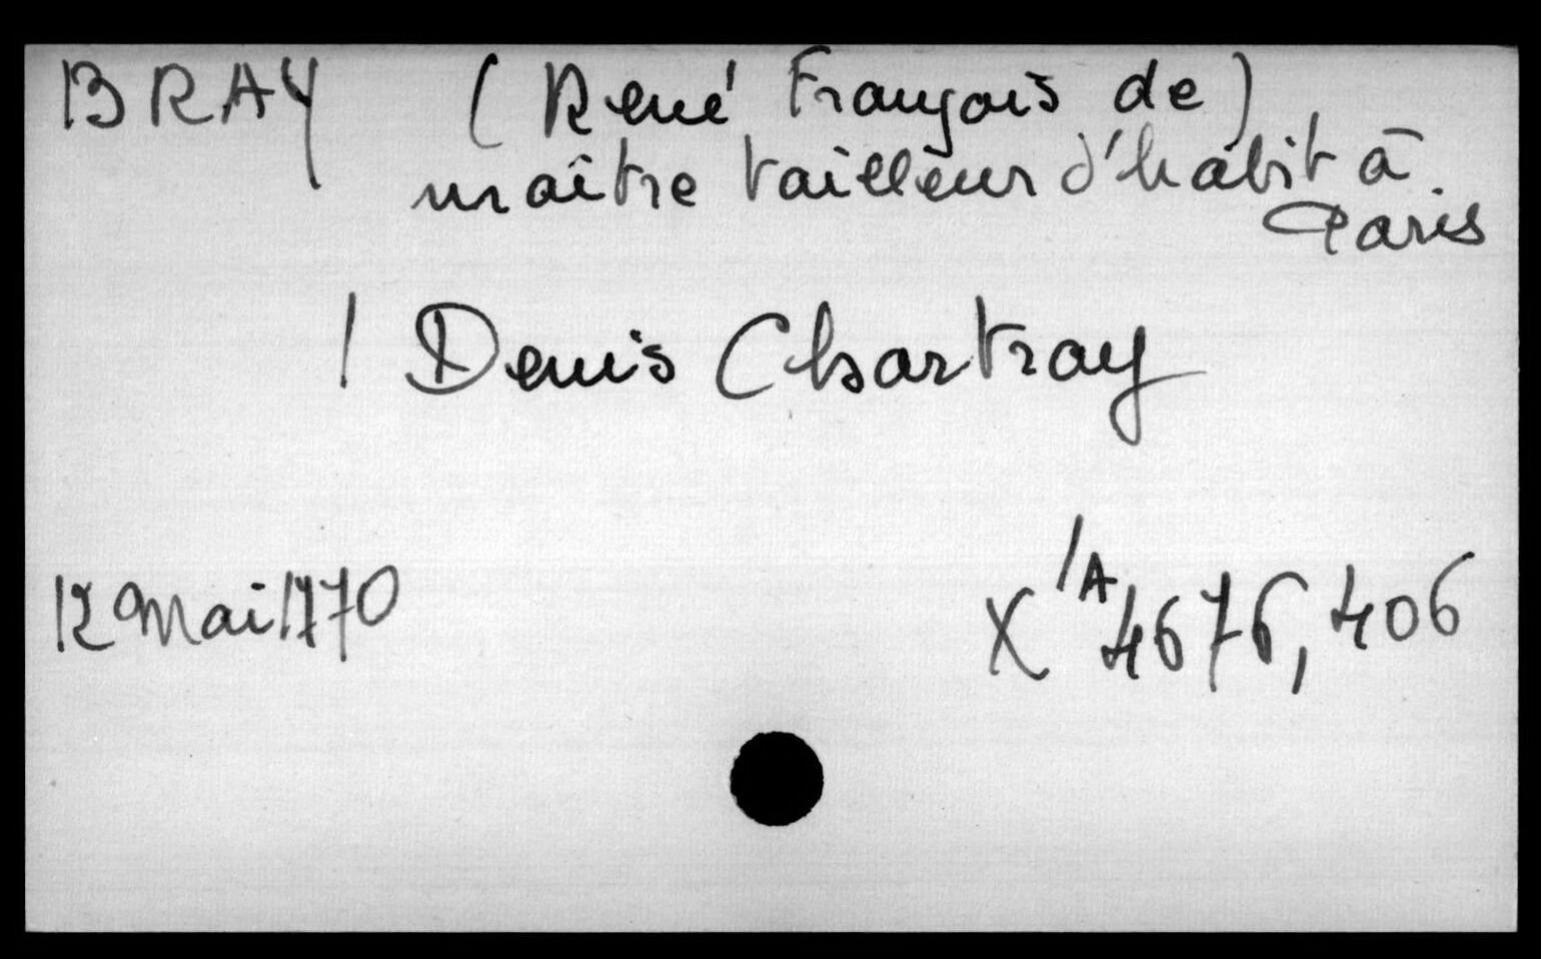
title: ARAY (René François de) maître tailleur d'habit à Paris
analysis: Contre Denis Chartray
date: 12 mai 1770
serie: X1A
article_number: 4676
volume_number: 406
